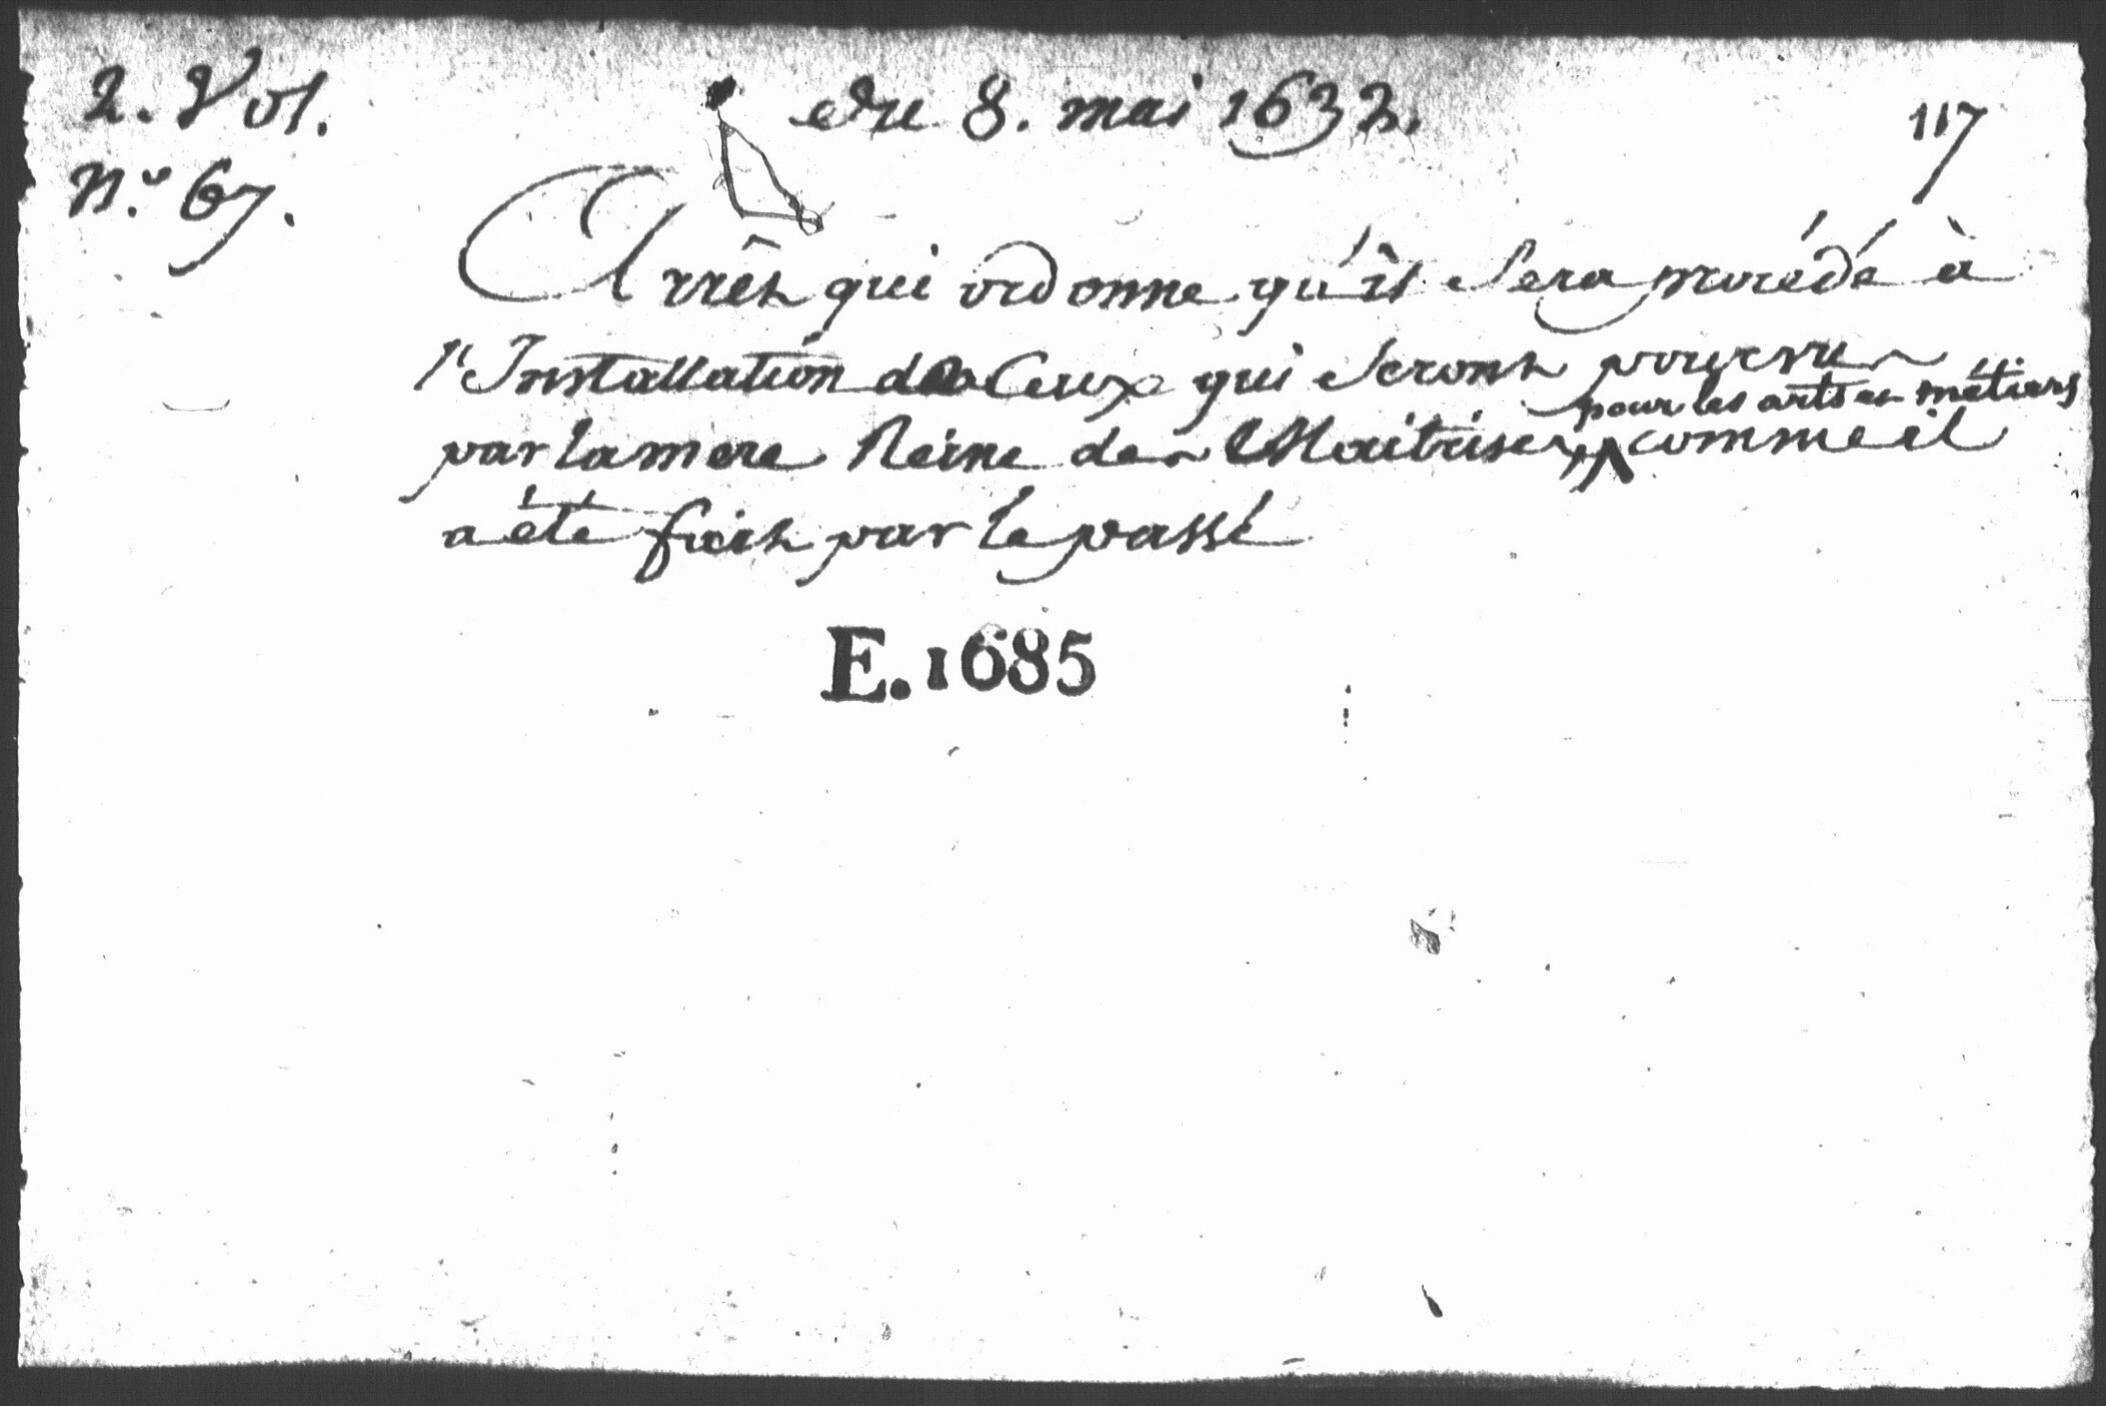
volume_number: n°67
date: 8 mai 1632
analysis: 117
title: Arrêt qui ordonne qu'il sera procédé à l'installation de ceux qui seront pourvus par la mere Reine des maitrises pour les arts et métiers comme il a été fait par le passé
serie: e
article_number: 1685
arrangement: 2. vol.
